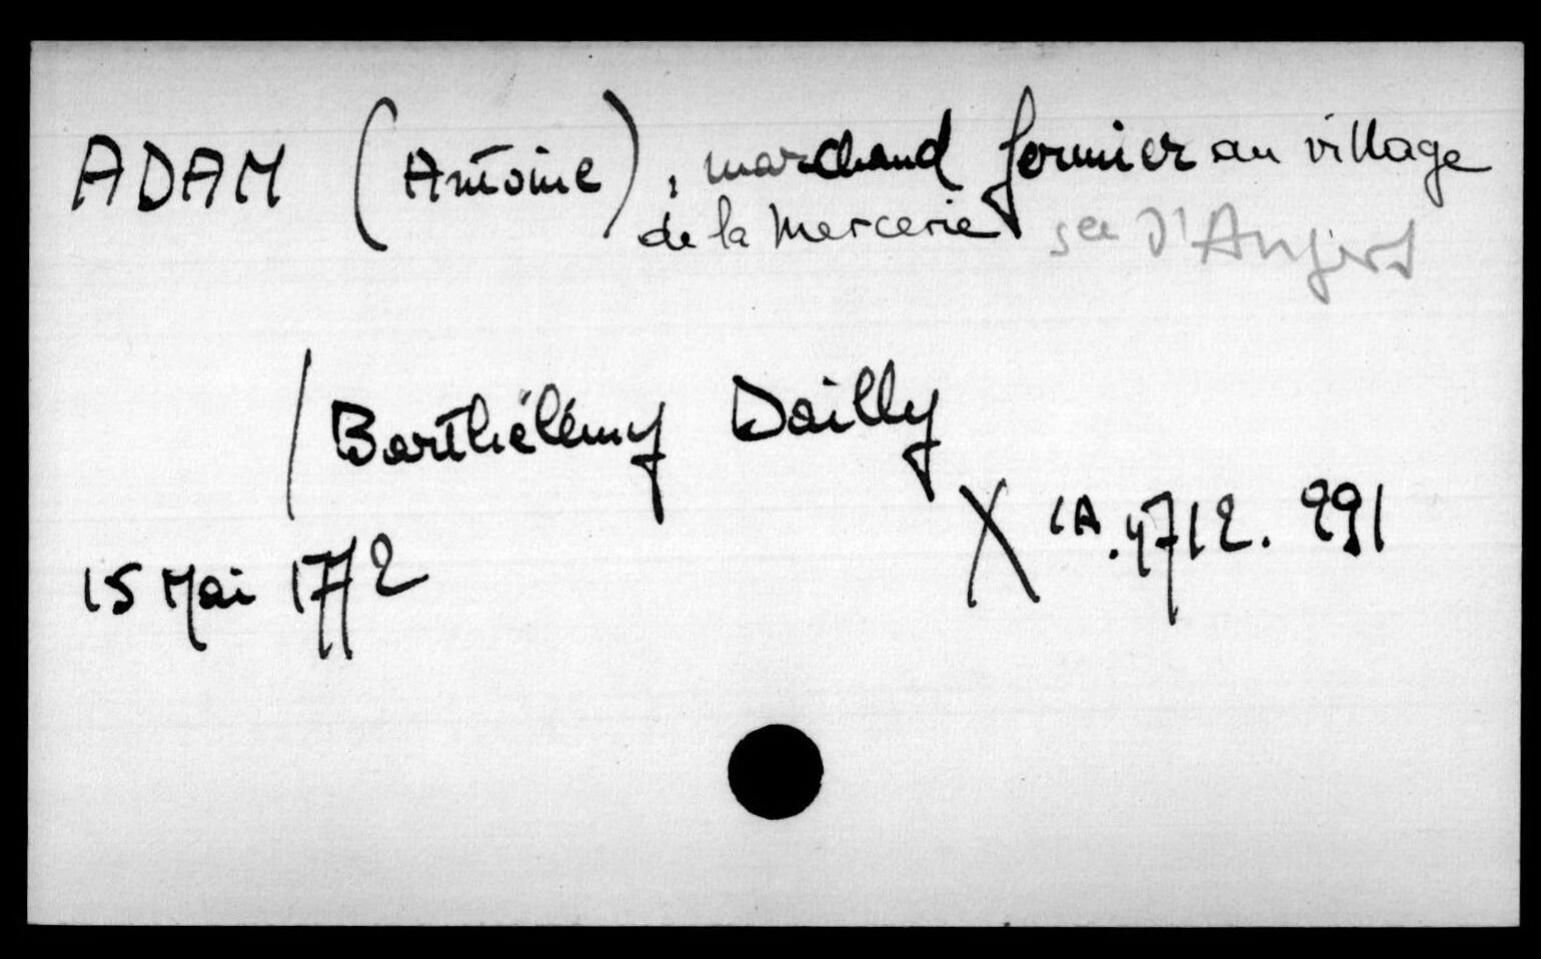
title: ADAM (Antoine), marchand fermier au village de la mercerie
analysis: Contre Barthélemy Dailly
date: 15 mai 1772
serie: X1A
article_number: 4712
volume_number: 291
